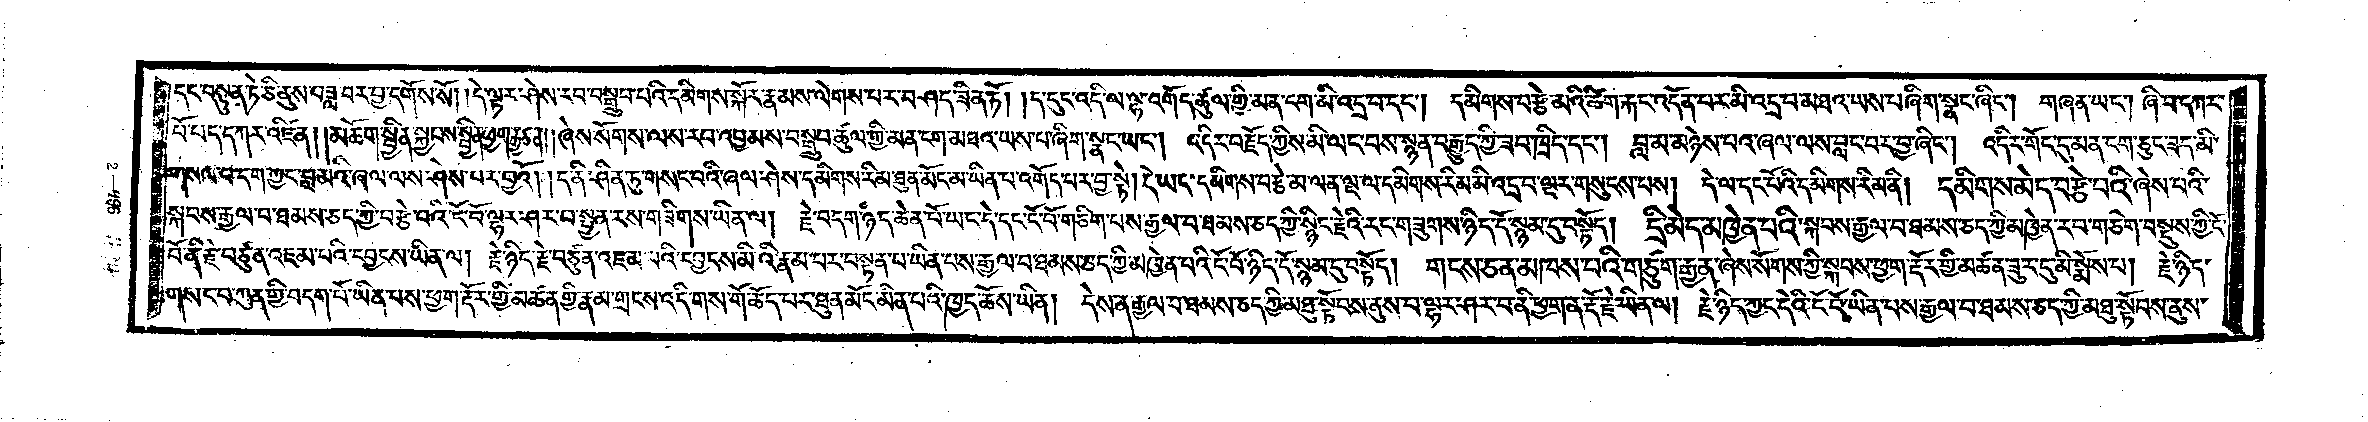དང་བསྟུན་ཏེ་ཅི་ནུས་བཟླ་བར་བྱ་དགོས་སོ། །དེ་ལྟར་ཤེས་རབ་བསྒྲུབ་པའི་དམིགས་སྐོར་རྣམས་ལེགས་པར་བཤད་ཟིན་ཏོ། །ད་དུང་འདི་ལ་ལྷ་འགོད་ཚུལ་གྱི་མན་ངག་མི་འདྲ་བ་དང་། དམིགས་བརྩེ་མའི་ཚིག་རྐང་འདོན་པར་མི་འདྲ་བ་མཐའ་ཡས་པ་ཞིག་སྣང་ཞིང་། གཞན་ཡང་། ཞི་བ་དཀར་
པོ་པད་དཀར་འཛིན། །མཆོག་སྦྱིན་སྐྱབས་སྦྱིན་ཕྱག་རྒྱ་ཅན། །ཞེས་སོགས་ལས་རབ་འབྱམས་བསྒྲུབ་ཚུལ་ཀྱི་མན་ངག་མཐའ་ཡས་པ་ཞིག་སྣང་ཡང་། །འདིར་བརྗོད་ཀྱིས་མི་ལང་བས་སྙན་བརྒྱུད་ཀྱི་ཟབ་ཁྲིད་དང་། བླ་མ་མཉེས་པའི་ཞལ་ལས་བླང་བར་བྱ་ཞིང་། འདིར་གོང་དུ་མན་ངག་ཅུང་ཟད་མི་
གསལ་བ་དག་ཀྱང་བླ་མའི་ཞལ་ལས་ཤེས་པར་བྱའོ། །ད་ནི་ཤིན་ཏུ་གསང་བའི་ཞལ་ཤེས་དམིགས་རིམ་ཐུན་མོང་མ་ཡིན་པ་འགོད་པར་བྱ་སྟེ། དེ་ཡང་དམིགས་བརྩེ་མ་ལན་ལྔ་ལ་དམིགས་རིམ་མི་འདྲ་བ་ལྔར་གསུངས་པས། དེ་ལ་དང་པོའི་དམིགས་རིམ་ནི། དམིགས་མེད་བརྩེ་བའི་ཞེས་པའི་
སྐབས་རྒྱལ་བ་ཐམས་ཅད་ཀྱི་བརྩེ་བའི་ངོ་བོ་ལྟར་ཤར་བ་སྤྱན་རས་གཟིགས་ཡིན་ལ། རྗེ་བདག་ཉིད་ཆེན་པོ་ཡང་དེ་དང་ངོ་བོ་གཅིག་པས་རྒྱལ་བ་ཐམས་ཅད་ཀྱི་སྙིང་རྗེའི་རང་གཟུགས་ཉིད་དོ་སྙམ་དུ་བསྟོད། དྲི་མེད་མཁྱེན་པའི་སྐབས་རྒྱལ་བ་ཐམས་ཅད་ཀྱི་མཁྱེན་རབ་གཅིག་བསྡུས་ཀྱི་ངོ་
བོ་ནི་རྗེ་བཙུན་འཇམ་པའི་དབྱངས་ཡིན་ལ། རྗེ་ཉིད་རྗེ་བཙུན་འཇམ་པའི་དབྱངས་མིའི་རྣམ་པར་བསྟན་པ་ཡིན་པས་རྒྱལ་བ་ཐམས་ཅད་ཀྱི་མཁྱེན་པའི་ངོ་བོ་ཉིད་དོ་སྙམ་དུ་བསྟོད། གངས་ཅན་མཁས་པའི་གཙུག་རྒྱན་ཞེས་སོགས་ཀྱི་སྐབས་ཕྱག་རྡོར་གྱི་མཚན་ཟུར་དུ་མི་སྨོས་པ། རྗེ་ཉིད་
གསང་བ་ཀུན་གྱི་བདག་པོ་ཡིན་པས་ཕྱག་རྡོར་གྱི་མཚན་གྱི་རྣམ་གྲངས་འདི་གས་གོ་ཆོད་པར་ཐུན་མོང་མིན་པའི་ཁྱད་ཆོས་ཡིན། དེས་ན་རྒྱལ་བ་ཐམས་ཅད་ཀྱི་མཐུ་སྟོབས་ནུས་པ་ལྷར་ཤར་བ་ནི་ཕྱག་ན་རྡོ་རྗེ་ཡིན་ལ། རྗེ་ཉིད་ཀྱང་དེའི་ངོ་བོ་ཡིན་པས་རྒྱལ་བ་ཐམས་ཅད་ཀྱི་མཐུ་སྟོབས་ནུས